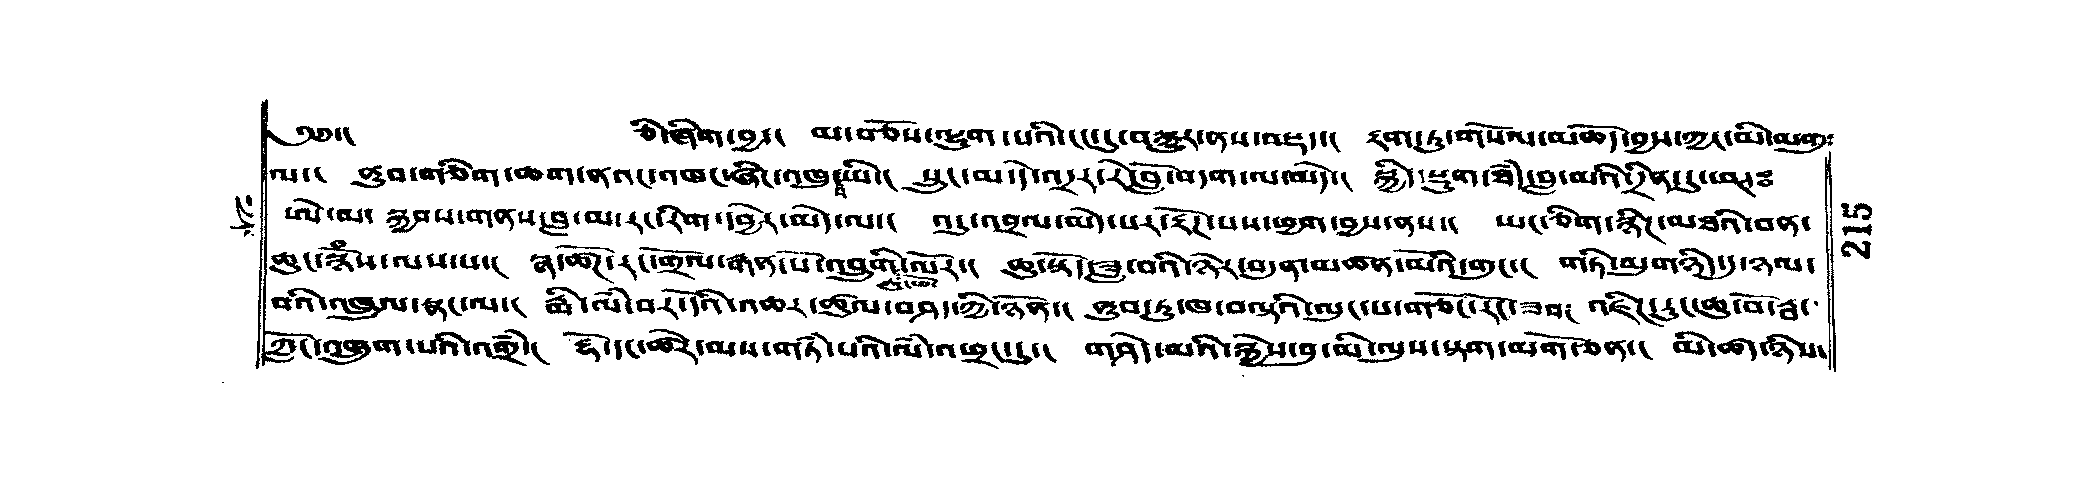ཅི་ཞིག་བྱ། །མ་བཅོས་ལྷུག་པའི་ངང་དུ་བསྐྱུར་ནས་བསྡད། །རྟག་ཏུ་གསོལ་མཆོད་བྱས་ཀྱང་མི་མགུ་
ལ། །ནུབ་གཅིག་ཆག་ནའང་འཁང་ཞིང་འཁུ་བ་ཡི། །སྲུང་མ་དེ་འདྲར་རེ་བློ་བདག་ལ་མེད། །སྐྱིད་སྡུག་ཐམས་ཅད་བླ་མའི་དྲིན་དུ་ཕཊཿ 
ཨེ་མ། སྐྱབས་གནས་བླ་མ་རང་རིག་དབྱེར་མེད་ལ། །འདུ་འབྲལ་མེད་པར་རྟོགས་པས་ཕྱག་བྱས་ནས། །ཡང་ཅིག་སྙིགས་མཐའི་བན་
ཆུང་སྙོམས་ལས་པ། །སྣ་ཚོགས་རང་གྲོལ་རྒན་པོ་འབྲུག་གི་ལོར། ཆུ་སྟོད་ཟླ་བའི་ཉེར་བདུན་མཚན་མོའི་གུང་། །གཏི་མུག་གཉིད་དུ་ཉལ་
བའི་འཁྲུལ་སྣང་ལ། །རྨི་ལམ་བར་དོའི་འཆར་ཚུལ་བཤད་ཀྱི་ཉོན། །ནུབ་ཏུ་ཁ་བལྟའི་ལུང་པ་གཅོང་རོང་ཟབ། །འཇིགས་རུང་ཆུ་བོ་རྦ་
ཀློང་འཁྲུག་པའི་འགྲམ། །རྡོ་དང་ཚེར་མས་གཏམས་པའི་ལམ་འཕྲང་དུ། །གཤེད་མའི་སྐྱེས་བུ་མི་ལུས་སྟག་མགོ་ཅན། །མི་ཚད་ཉིས་